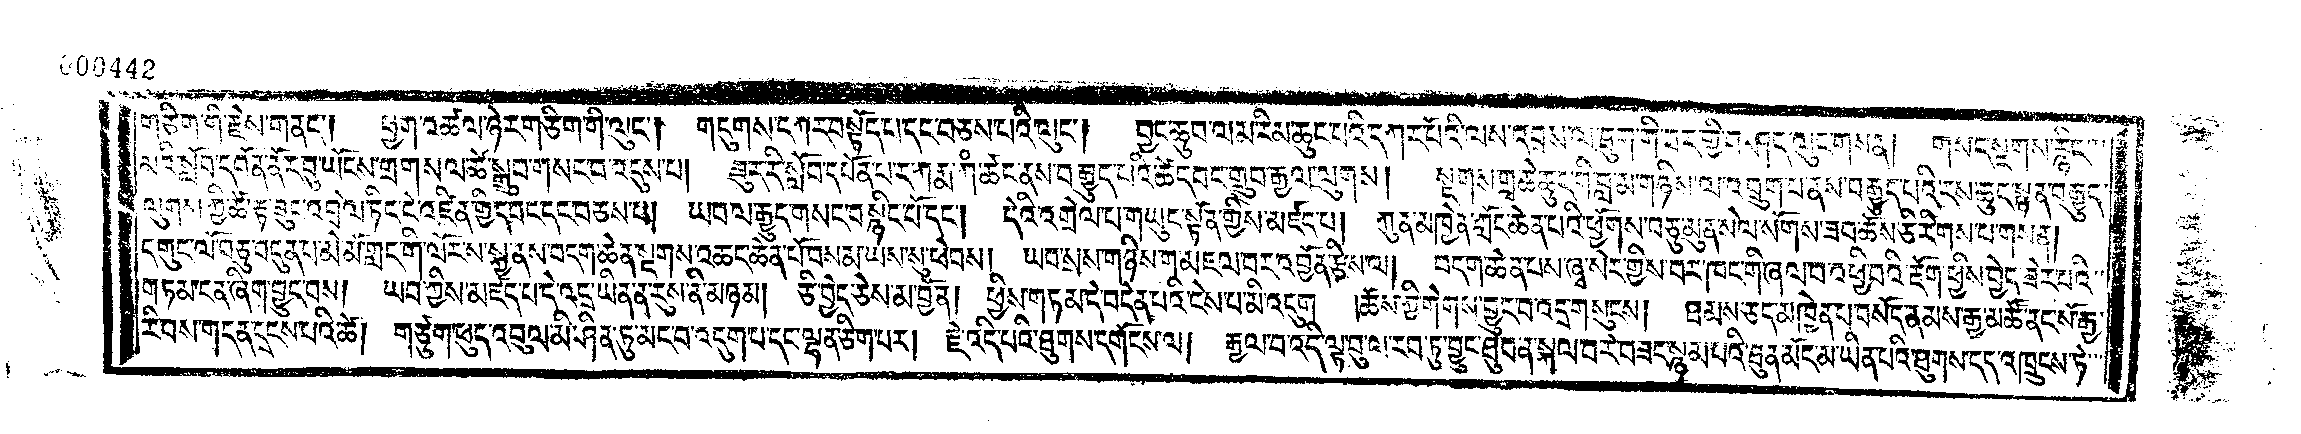གཅིག་གི་རྗེས་གནང་། ཕྱག་འཚལ་ཉེར་གཅིག་གི་ལུང་། གདུངས་དཀར་བསྟོད་པ་དང་བཅས་པའི་ལུང་། བྱང་ཆུབ་ལམ་རིམ་ཆུང་བའི་དཀར་པོའི་ལས་འབྲས་ལ་ཐུག་གི་བར་གྱི་བཤད་ལུང་གསན། གསང་སྔགས་རྙིང་
མའི་སློབ་དཔོན་ནོར་བུ་ཡོངས་གྲགས་ལ་ཚོ་སྒྲུབ་གསང་བ་འདུས་པ། ཟུར་རི་སློབ་དཔོན་པར་ཀརྨ་ཀཾ་ཚང་ནས་བརྒྱུད་པའི་ཚེ་དབང་གྲུབ་རྒྱལ་ལུགས། སྔགས་གྲྭ་ཆེ་ཆུང་གི་བླ་མ་གཉིས་ལ་འབྲུག་པ་ནས་བརྒྱུད་པའི་རས་ཆུང་སྙན་བརྒྱུད་
ལུགས་ཀྱི་ཚེ་རྟ་ཟུང་འབྲེལ་ཏིང་ངེད་འཛིན་གྱི་དབང་དང་བཅས་པ། ཡབ་ལ་རྒྱུད་གསང་བ་སྙིང་པོ་དང་། དེའི་འགྲེལ་པ་གཡུང་སྟོན་གྱིས་མཛད་པ། ཀུན་མཁྱེན་ཀློང་ཆེན་པའི་ཕྱོགས་བཅུ་མུན་སེལ་སོགས་ཟབ་ཆོས་ཅི་རིགས་པ་གསན།
དགུང་ལོ་བཅུ་བདུན་པ་མེ་མོ་གླང་གི་ལོར་ས་སྐྱ་ནས་བདག་ཆེན་སྔགས་འཆང་ཆེན་པོ་བསམ་ཡས་སུ་ཕེབས། ཡབ་སྲས་གཉིས་ག་མཇལ་བར་འབྱོན་རྩིས་ལ། བདག་ཆེན་པས་ཞྭ་སེར་གྱིས་བར་ཁང་གི་ཞལ་བ་འཕྱི་བའི་རྡོག་ཕྱིས་བྱེད་ཟེར་བའི་
གཏམ་ངན་ཞིག་བྱུང་བས། ཡབ་ཀྱིས་མཛད་པ་དེ་འདྲ་ཡིན་ན་རུས་ནི་མཉམ། ཅི་བྱེད་ཅེས་མ་བྱོན། ཕྱིས་གཏན་དེ་བདེན་པའི་ངེས་པ་མི་འདུག །ཆོས་ཀྱི་གེགས་བྱུང་བ་འདྲ་གསུངས། ཐམས་ཅད་མཁྱེན་པ་བསོད་ནམས་རྒྱ་མཚོ་ནང་སོ་རྒྱ་
རི་བས་གདན་དྲངས་པའི་ཚེ། གཙུག་ཕུད་འབུལ་མི་ཤིན་ཏུ་མང་བ་འདུག་པ་དང་ལྷན་ཅིག་པར། རྗེ་འདི་པའི་ཐུགས་དགོངས་ལ། རྒྱལ་བ་འདི་ལྟ་བུ་ལ་རབ་ཏུ་བྱུང་ཐུབ་ན་སྐལ་བར་བཟང་སྙམ་པའི་ཐུན་མོང་མ་ཡིན་པའི་ཐུགས་དད་འཁྲུངས་ཏེ་